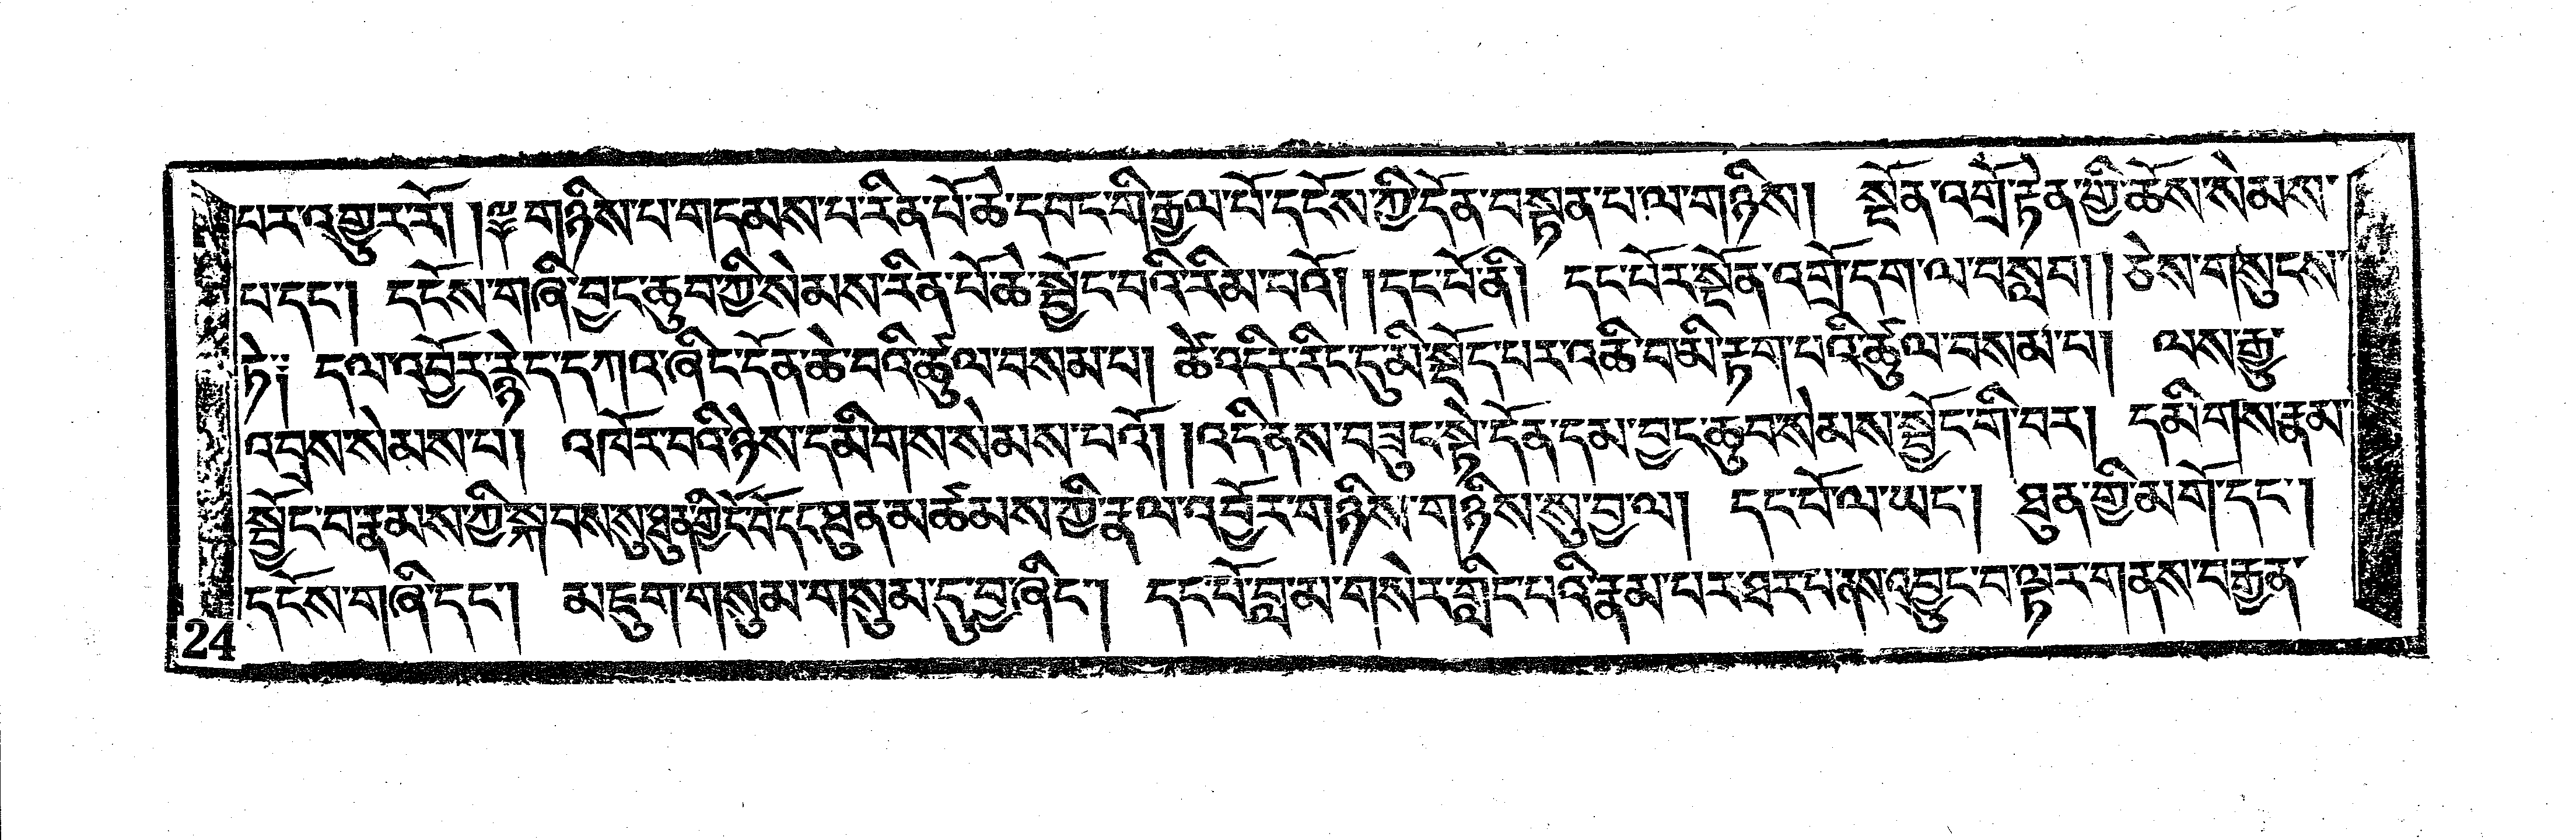པར་འགྱུར་རོ། ། ༈ གཉིས་པ་གདམས་པ་རིན་པོ་ཆེ་དབང་གི་རྒྱལ་པོ་དངོས་ཀྱི་དོན་བསྟན་པ་ལ་གཉིས། སྔོན་འགྲོ་རྟེན་གྱི་ཆོས་སེམས་
པ་དང་། དངོས་གཞི་བྱང་ཆུབ་ཀྱི་སེམས་རིན་པོ་ཆེ་སྦྱོང་བའི་རིམ་པའོ། །དང་པོ་ནི། དང་པོར་སྔོན་འགྲོ་དག་ལ་བསླབ། །ཅེས་གསུངས་
ཏེ༑ དལ་འབྱོར་རྙེད་དཀའ་ཞིང་དོན་ཆེ་བའི་ཚུལ་བསམ་པ། ཚེ་འདིར་རིང་དུ་མི་སྡོད་པར་འཆི་བ་མི་རྟག་པའི་ཚུལ་བསམ་པ། ལས་རྒྱུ་
འབྲས་སེམས་པ། འཁོར་བའི་ཉེས་དམིགས་སེམས་པའོ། །འདི་ནས་བཟུང་སྟེ་དོན་དམ་བྱང་ཆུབ་སེམས་སྦྱོང་གི་བར། དམིགས་རྣམ་
སྦྱོང་བ་རྣམས་ཀྱི་སྐབས་སུ་ཐུན་གྱི་ངོ་བོ་དང་ཐུན་མཚམས་ཀྱི་རྣལ་འབྱོར་གཉིས་གཉིས་སུ་བྱ་ལ། དང་པོ་ལ་ཡང་། ཐུན་གྱི་མགོ་དང་།
དངོས་གཞི་དང་། མཇུག་གསུམ་གསུམ་དུ་བྱ་ཞིང་། དང་པོ་བླ་མ་གསེར་གླིང་པའི་རྣམ་པར་ཐར་པ་ནས་འབྱུང་བ་ལྟར་གནས་བརྒྱན་